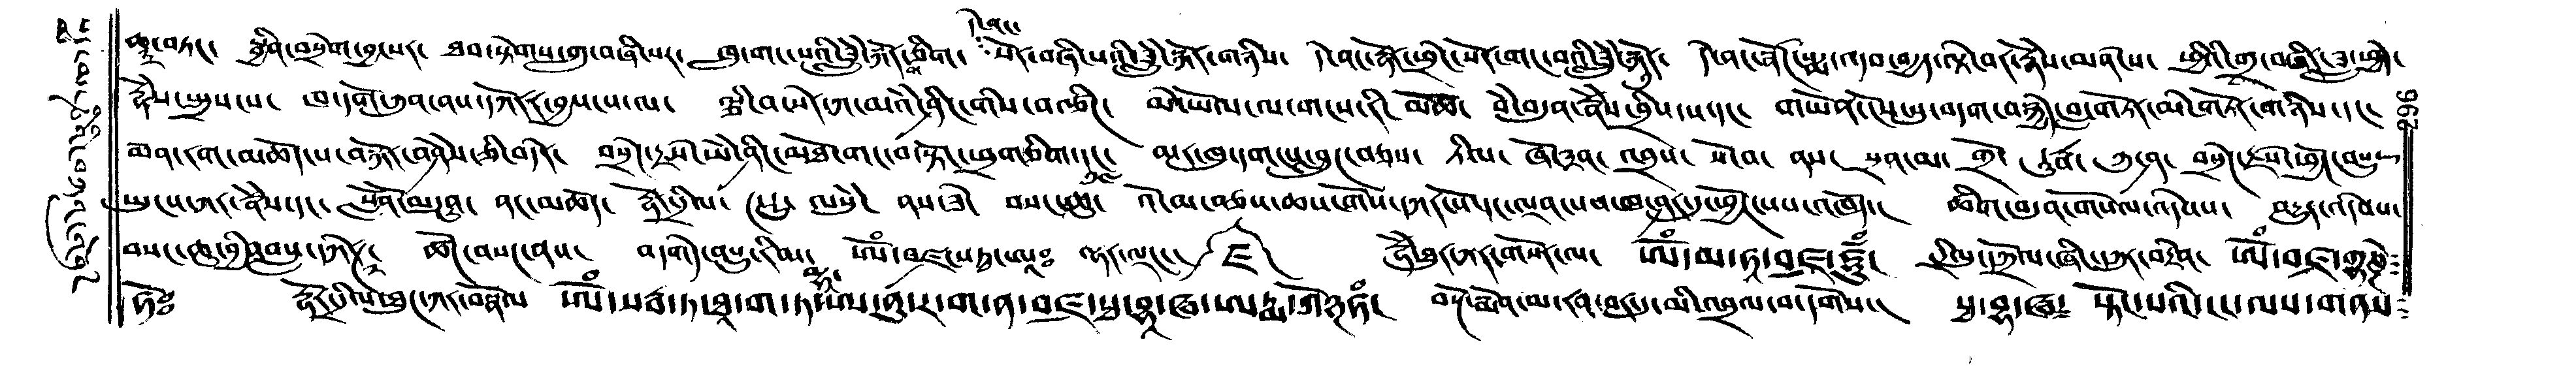ཆ་གསུམ་གཏང་། སྦྱིན་སྲེག་བྱ་སར། ཐབ་སྟེགས་གྲུ་བཞི་པར་ཁྲུ་གང་པའི་ཟླུམ་སྐོར་གཅིག དེ་ནང་སོར་བཞི་པའི་ཟླུམ་སྐོར་གཉིས། དེ་ནང་རྡོར་ཕྲེང་སོར་གང་བའི་ཟླུམ་སྐོར་གཅིག དེ་ནང་སྣ་ཚོགས་པདྨ་འདབ་བརྒྱད་ལྟེ་བར་རྡོ་རྗེས་མཚན་པ། ཕྱིའི་གྲྭ་བཞིར་ཟླ་ཕྱེད་
རྡོ་རྗེས་སྤྲས་པ ཁ་དོག་ཀུན་ནས་དཀར་པོར་བྱས་པ་ལ། ལྕི་བ་སེར་ཀ་མའམ་ཤིང་གིས་བརྩིག མེ་ཡོལ་ལ་གངས་རི། མཚོ། བཾ་བདུན་རྣམས་བྲིས་པ་དང་། གཡོན་ངོས་སུ་བདག་བསྐྱེད་བླ་གཏོར་མེ་གཏོར་གཉིས་དང་
སྨན་རཀ་མཆོད་པ་བསྐོར་བཤམས་ཅི་བདེར་སྲེག་རྫས་ཡམ་ཤིང་མཐོ་གང་བ་སྟོང་ཕྲག་གཅིག་དང་བཅུ་བཞི། མར་ཁུ་དགང་བླུག་བཅས། ཏིལ། ཞོ་ཟན། འབྲས། སོ་བ། ནས། སྲན་མ། གྲོ དཱུརྦ། ཀུ་ཤ སྲེག་རྫས་ཕྱོགས་བསྡུས་
ཡུངས་དཀར་རྣམས་དང་། སློབ་དཔོན་མདུན་དུ་ནང་མཆོད།རྡོར་དྲིལ། ཌཱ་རུ། ལས་བུམ། ནས་བཟེད། བསང་ཆུ། འོ་མ་བཅས་ཆས་གོས་དཀར་པོ་དང་ལྡན་པས་ཁ་ཤར་དུ་ཕྱོགས་པས་འཁོད། ཚིག་བདུན་གསོལ་འདེབས། བརྒྱུད་འདེབས། 
བསང་ཆུ། བྱིན་རླབས་དཀར་བགེགས་གཉིས། ཚོགས་གསོག་ནས། བདག་སྐྱེད་བསྡུ་རིམ། ཨོཾ་བཛྲ་སཏྭ་ཨཱཿ ལྷར་ལྡང་། རྡོ་རྗེ་ཐུགས་ཀར་གསོར་ལ། ཨོཾ་མ་ཧཱ་བཛྲ་ཧཱུྃ། དྲིལ་བུ་དཀྲོལ་ཞིང་དཀུར་བརྟེན། ཨོཾ་བཛྲ་གྷཎྜེ་
ཧོ། རྡོར་དྲིལ་ཐུགས་ཀར་བསྣོལ། ཨོཾ་སརྦ་ཏ་ཐཱ་ག་ཏ་མ་ཧཱ་ཨ་ནུ་ར་ག་ར་བཛྲ་སྭ་བྷཱ་ཝ་ཨཏྨ་ཀོཉཧཾ། བསྔོ་སྨོན་མ་རན་བར་དུ་མི་འབྲལ་བ་དགོས། སྭ་བྷ་ཝ༴ སྟོང་པའི་ངང་ལས་གནས་